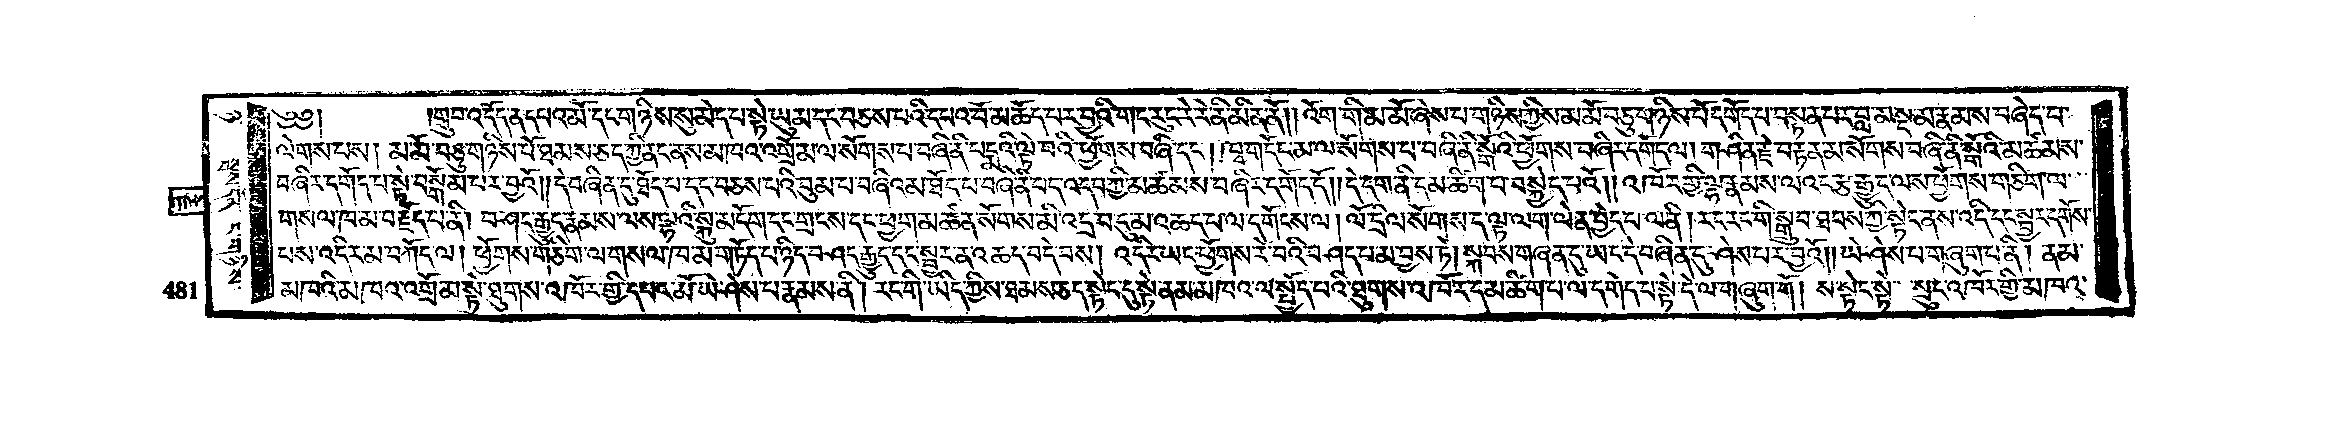༄༅། །གྲུབ་འདོད་ན་དཔའ་མོ་དང་གཉིས་སུ་མེད་པ་སྟེ་ཡུམ་དང་བཅས་པའི་དཔའ་བོ་མཆོད་པར་བྱའི་གང་རུང་རེ་རེ་ནི་མིན་ནོ། །འོག་གི་མ་མོ་ཞེས་པ་གཉིས་ཀྱིས་མ་མོ་བཅུ་གཉིས་པོ་དགོད་པ་བསྟན་པར་བླ་མ་སྔ་མ་རྣམས་བཞེད་པ་
ལེགས་པས། མ་མོ་བཅུ་གཉིས་པོ་ཐམས་ཅད་ཀྱི་ནང་ནས་མཁའ་འགྲོ་མ་ལ་སོགས་པ་བཞི་ནི་པདམའི་ལྟེ་བའི་ཕྱོགས་བཞི་དང་། ཁྭ་གདོང་མ་ལ་སོགས་པ་བཞི་ནི་སྒོའི་ཕྱོགས་བཞིར་དགོད་ལ། གཤིན་རྗེ་བརྟན་མ་སོགས་བཞི་ནི་སྒོའི་མཚམས་
བཞིར་དགོད་པ་སྟེ་བསྒོམ་པར་བྱའོ། །དེ་བཞིན་དུ་ཐོད་པ་དང་བཅས་པའི་བུམ་པ་བཞིའམ་ཐོད་པ་བཞི་ནི་པད་འདབ་ཀྱི་མཚམས་བཞིར་དགོད་དོ། །དེ་དག་ནི་དམ་ཚིག་པ་བསྐྱེད་པའོ། །འཁོར་གྱི་ལྷ་རྣམས་ལའང་རྩ་རྒྱུད་ལས་ཕྱོགས་གཅིག་ལ་
གསལ་ཁ་མ་བརྗོད་པ་ནི། བཤད་རྒྱུད་རྣམས་ལས་ལྷའི་སྐུ་མདོག་དང་གྲངས་དང་ཕྱག་མཚན་སོགས་མི་འདྲ་བ་དུ་མ་འཆད་པ་ལ་དགོངས་ལ། ལོ་དྲིལ་སོགས་ད་ལྟ་ལག་ལེན་བྱེད་པ་ལ་ནི། རང་རང་གི་སྒྲུབ་ཐབས་ཀྱི་སྟེང་ནས་འདི་དང་སྦྱར་དགོས་
པས་འདིར་མ་བཀོད་ལ། ཕྱོགས་གཅིག་ལ་གསལ་ཁ་མ་གཏོད་པ་ཉིད་བཤད་རྒྱུད་དང་སྦྱར་ན་འཆད་བདེ་བས། འདིར་ཡང་ཕྱོགས་རེ་བའི་བཤད་པ་མ་བྱས་ཏེ། སྐབས་གཞན་དུ་ཡང་དེ་བཞིན་དུ་ཤེས་པར་བྱའོ། །ཡེ་ཤེས་པ་གཞུག་པ་ནི། ནམ་
མཁའི་མཁའ་འགྲོ་མ་སྟེ་ཐུགས་འཁོར་གྱི་དཔའ་མོ་ཡེ་ཤེས་པ་རྣམས་ནི། རང་གི་ཡིད་ཀྱིས་ཐམས་ཅད་སྟེང་དུ་སྟེ་ནམ་མཁའ་ལ་སྤྱོད་པའི་ཐུགས་འཁོར་དམ་ཚིག་པ་ལ་དགོད་པ་སྟེ་དེ་ལ་གཞུག་གོ། ས་སྟེང་སྟེ་སྲུང་འཁོར་གྱི་མཁའ་